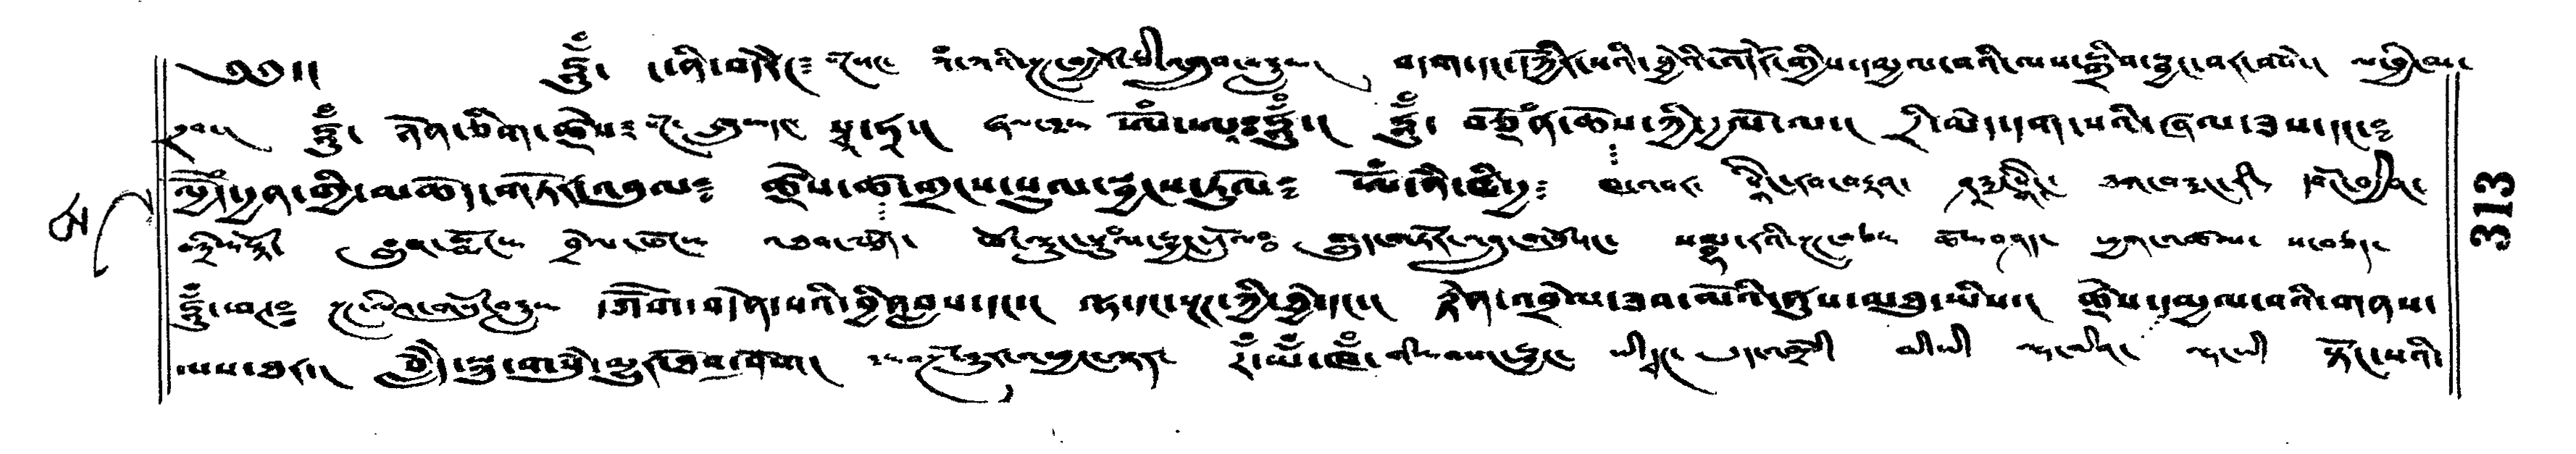ཧཱུྃ༔ང་ནི་བདེ་གཤེགས༴ སོགས་དང་། ཀཾ་ཀའི་སྔགས་བརྒྱའམ་ཅི་འགྲུབ་བཟླ། བདག་དང་དཀྱིལ་འཁོར་པའི་ཐུགས་ཀའྀ་འོད་ཟེར་གྱིས་དམྱལ་བའི་ལས་སྒྲིབ་སྦྱངས་བར་བསམ་ལ་བྱེ་མ་
བྲབ། ཧཱུྃ༔ ཉོན་ཅིག་ཚེ་འདས༴ སོགས་ཁྲུས་དང་། སྭ་ཧཱ། ཞལ་ཟས། ཨོཾ་ཨཱཿཧཱུྃ༔ ཧཱུྃ༔ བཅོམ་ལྡན་ཆོས་ཀྱི་རྒྱལ་པོ་ལ༔ དྲི་མེད་དག་པའི་ཞལ་ཟས་དང༔ 
ལོངས་སྤྱོད་རྒྱན་གྱི་མཆོད་གཏོར་འབུལ༔ ཚེ་འདས་ཚ་གྲང་སྡུག་བསྔལ་སྦྱང་དུ་གསོལ༴ ཨོཾ་ནཻ་ཝི་དྱ༴ ཁ་འབར། སེངྒེ་རབ་བརྟན། ཤཱཀྱ་སེངྒེ། ཐག་བཟང་རིས། དབང་པོ་བརྒྱ་བྱིན། 
བཀྲེས་སྐོམ། བླུན་མོངས། བྲེལ་ཕོངས། འཐབ་རྩོད། འཕོ་ལྟུང་སྡུག་བསྔལ་སྦྱང་དུ་གསོལཿ གླུད་གཏོར་འབྲུ་གསུམ་དང་། སམྦྷ་ར འི་སྔགས་བཅས། ཆོས་བཤད། ཕྱག་འཚལ། ས་བཅད། 
ཧཱུྃ་ཕཊ༔ སྔགས་ལན་གསུམ་བཟླ། དཀོན་མཆོག་བདེན་པའི་བྱིན་རླབས་དང་། །ལྷ་དང་སྔགས་ཀྱི་ཐུགས་རྗེ་དང་། །རྟེན་འབྲེལ་ཟབ་མོའི་ནུས་མཐུ་ཡིས། །ཚེ་འདས་དམྱལ་བའི་
གནས་ལས་ཐར། །བླ་མ་ཡི་དམ་སྐུ་གསུམ་མྱུར་ཐོབ་ཤོག ཟས་བསྔོ་སྒྱུར་བྱང་ལྟར། རྃ་ཡྃ་ཁྃ་གིས་བསང་སྦྱང་། ཡི་དྭགས། དུད་འགྲོའི། མི་ཡི། ལྷ་མིན། ལྷ་ཡི། སྟོང་པའི་